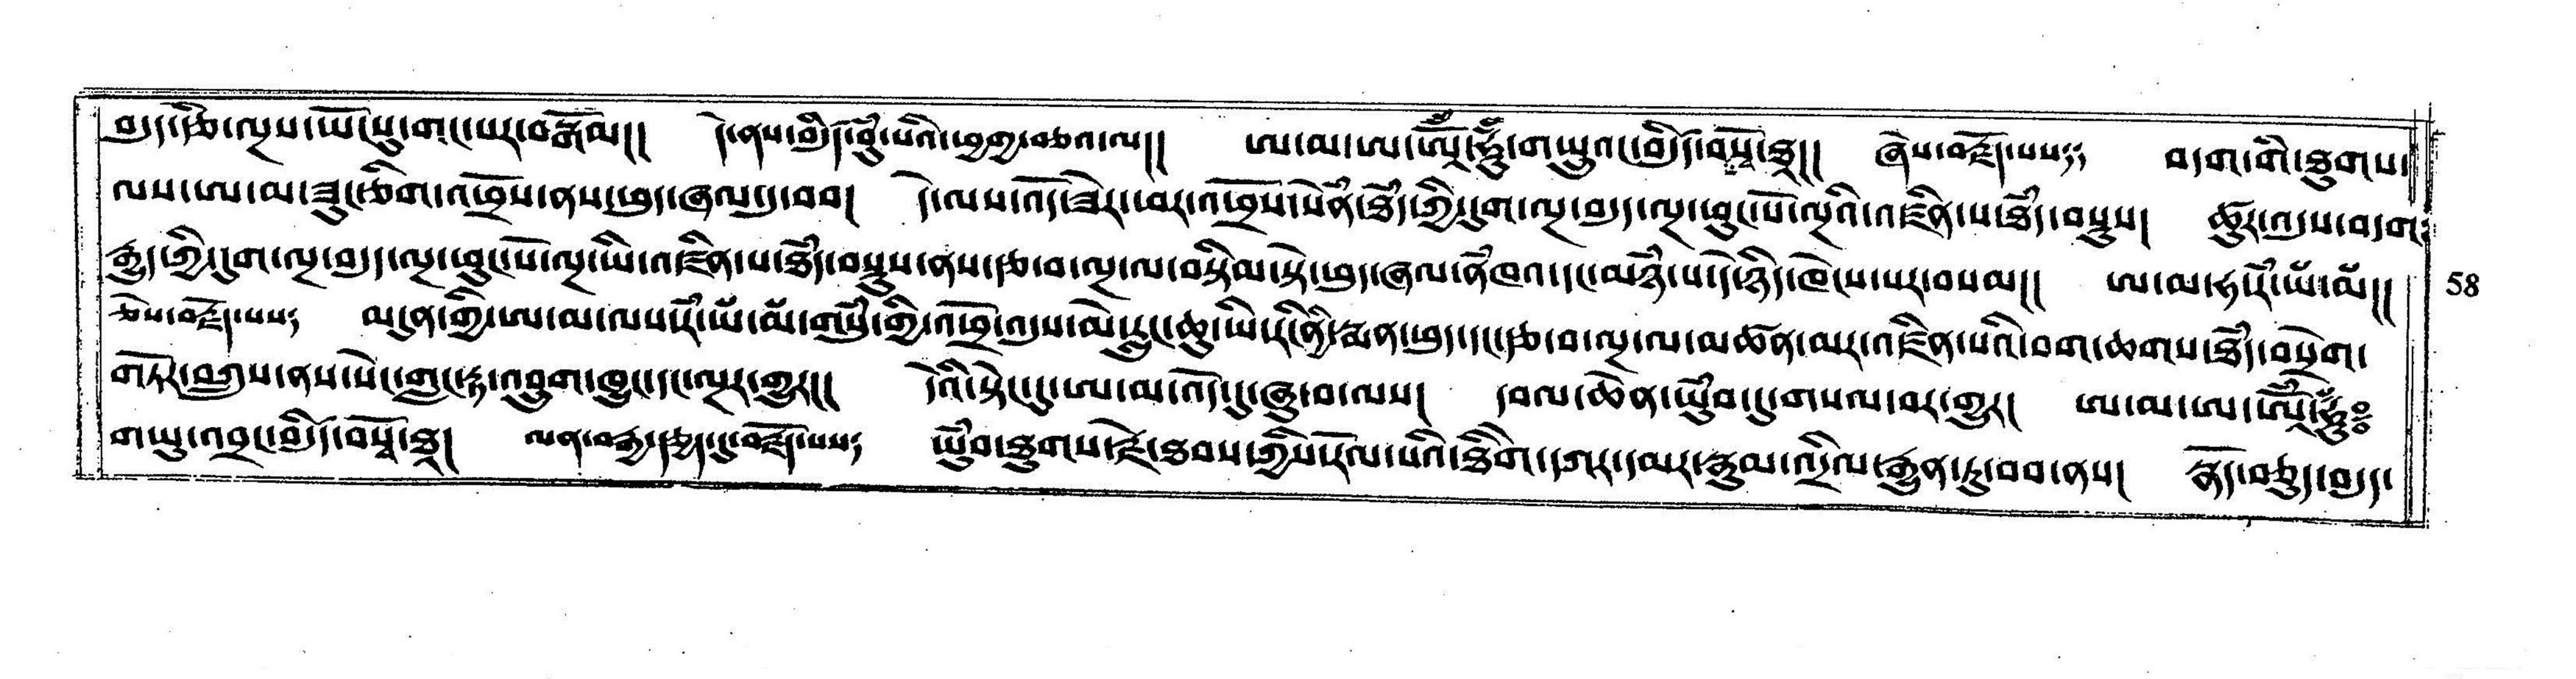བདུད་རྩི་ལྔས་ཡོངས་སུ་གང་བར་བསྒོམ།། དེ་ནས་བདུད་རྩི་བུམ་པའི་ཕྱག་རྒྱ་བཅའ་ལ།། ཨ་མ་ཨ་ཨཱོཾ་ཧཱུྃ་གཡུ་འབྲང་བདུད་རྩི་བསྭོ་ཐཱ།། ཞེས་བརྗོད་པས བདག་གི་ཐུགས་
ལས་ཨ་མ་ཟུང་ཅིག་འཕྲོས་ནས་ཕུད་ཞལ་དུ་བབ། དེ་ལས་འོད་ཟེར་ཕར་འཕྲོས་སེམས་ཅན་ཐམས་ཅད་ཀྱི་དུག་ལྔ་བདུད་ལྔ་ཕུང་པོ་ལྔའི་འཛིན་པ་ཐམས་ཅད་བསྡུས། ཚུར་འདུས་བདག་
རྒྱུད་ཀྱི་དུག་ལྔ་བདུད་ལྔ་ཕུང་པོ་ལྔ་ཡི་འཛིན་པ་ཐམས་ཅད་བསྡུས་ནས་རྩ་བ་ལྔ་ལ་བསྟིམ་སྟེ་ཕུད་ཞལ་ནམ་མཁའ་དང་མཉམ་པ་དེ་ཉིད་ཁེངས་པར་བསམ།། ཨ་མ་ཧ་རཾ་ཡཾ་མཾ།། 
ཅེས་བརྗོད་པས། མདུན་གྱི་ཨ་མ་ལས་རཾ་ཡཾ་མཾ་གསུམ་གྱི་འཕྲོ་འདུས་མེ་རླུང་ཆུ་ཡི་རང་བཞིན་གྱི་སྨན་ཕུད་དང་རྩ་བ་ལྔ་ལ་མཚན་མར་འཛིན་པའི་བག་ཆགས་ཐམས་ཅད་བསྲེག་
གཏོར་བཀྲུས་ནས་སེང་གླང་རྟ་འབྲུག་ཁྱུང་དང་ལྔར་གྱུར།། དེའི་སྟེང་དུ་ཨ་མ་འོད་དུ་ཞུ་བ་ལས། དབལ་ཆེན་ཡབ་ཡུམ་དུ་གསལ་བར་གྱུར། ཨ་མ་ཨ་ཨཱོཾ་ཧཱུྃ༔ 
གཡུ་འབྲང་བདུད་རྩི་བསྭོ་ཐཱ། ལན་བརྒྱ་རྩ་བརྒྱད་དུ་བརྗོད་པས ཡབ་ཡུམ་ཐུགས་རྗེ་ཐབས་ཀྱིས་རོལ་པའི་ཐིག་ལེ་དཀར་དམར་སྣུམ་འདྲིལ་རྒྱུན་ཏུ་བབ་ནས། སྣོད་བཅུད་བདུད་